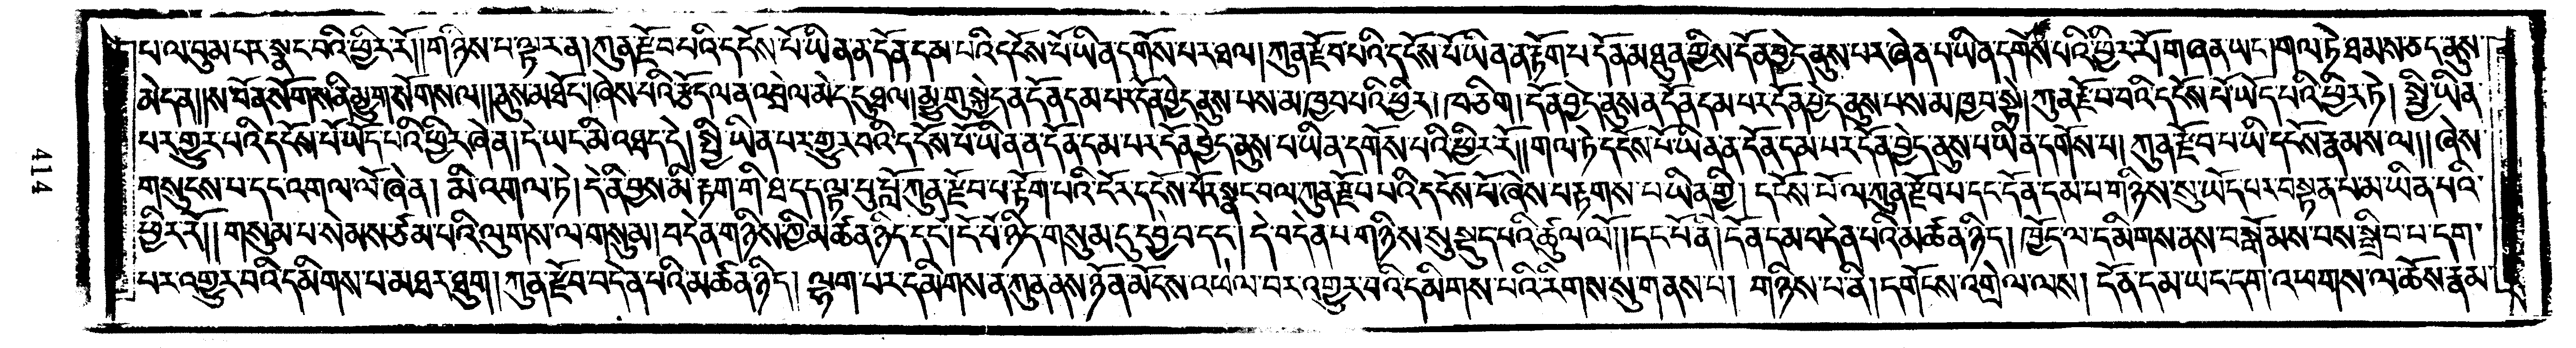པ་ལ་བུམ་པར་སྣང་བའི་ཕྱིར་རོ། །གཉིས་པ་ལྟར་ན། ཀུན་རྫོབ་པའི་དངོས་པོ་ཡིན་ན་དོན་དམ་པའི་དངོས་པོ་ཡིན་དགོས་པར་ཐལ། ཀུན་རྫོབ་པའི་དངོས་པོ་ཡིན་ན་རྟོག་པ་དོན་མཐུན་གྱིས་དོན་བྱེད་ནུས་པར་ཞེན་པ་ཡིན་དགོས་པའི་ཕྱིར་རོ། །གཞན་ཡང་། གལ་ཏེ་ཐམས་ཅད་ནུས་
མེད་ན། །ས་བོན་སོགས་ནི་མྱུག་སོགས་ལ། །ནུས་མཐོང་། ཞེས་པའི་རྩོད་ལན་འབྲེལ་མེད་དུ་ཐལ། མྱུ་གུ་སྐྱེད་ན་དོན་དམ་པར་དོན་བྱེད་ནུས་པས་མ་ཁྱབ་པའི་ཕྱིར། ཁ་ཅིག ། དོན་བྱེད་ནུས་ན་དོན་དམ་པར་དོན་བྱེད་ནུས་པས་མ་ཁྱབ་སྟེ། ཀུན་རྫོབ་པའི་དངོས་པོ་ཡོད་པའི་ཕྱིར་ཏེ། སྤྱི་ཡིན་
པར་གྱུར་པའི་དངོས་པོ་ཡོད་པའི་ཕྱིར་ཞེ་ན། དེ་ཡང་མི་འཐད་དེ། སྤྱི་ཡིན་པར་གྱུར་པའི་དངོས་པོ་ཡིན་ན་དོན་དམ་པར་དོན་བྱེད་ནུས་པ་ཡིན་དགོས་པའི་ཕྱིར་རོ། །གལ་ཏེ་དངོས་པོ་ཡིན་ན་དོན་དམ་པར་དོན་བྱེད་ནུས་པ་ཡིན་དགོས་ན། ཀུན་རྫོབ་པ་ཡི་དངོས་རྣམས་ལ། །ཞེས་
གསུངས་པ་དང་འགལ་ལོ་ཞེ་ན། མི་འགལ་ཏེ། དེ་ནི་བྱས་མི་རྟག་གི་ཐ་དད་ལྟ་བུ་བློ་ཀུན་རྫོབ་པ་རྟོག་པའི་ངོར་དངོས་པོར་སྣང་བ་ལ་ཀུན་རྫོབ་པའི་དངོས་པོ་ཞེས་བརྟགས་པ་ཡིན་གྱི། དངོས་པོ་ལ་ཀུན་རྫོབ་པ་དང་དོན་དམ་པ་གཉིས་སུ་ཡོད་པར་བསྟན་པ་མ་ཡིན་པའི་
ཕྱིར་རོ། །གསུམ་པ་སེམས་ཙམ་པའི་ལུགས་ལ་གསུམ། བདེན་གཉིས་ཀྱི་མཚན་ཉིད་དང་། ངོ་བོ་ཉིད་གསུམ་དུ་དབྱེ་བ་དང་། དེ་བདེན་པ་གཉིས་སུ་སྡུད་པའི་ཚུལ་ལོ། །དང་པོ་ནི། དོན་དམ་བདེན་པའི་མཚན་ཉིད། ཁྱོད་ལ་དམིགས་ནས་བསྒོམས་པས་སྒྲིབ་པ་དག་
པར་འགྱུར་བའི་དམིགས་པ་མཐར་ཐུག ། ཀུན་རྫོབ་བདེན་པའི་མཚན་ཉིད། ལྷག་པར་དམིགས་ན་ཀུན་ནས་ཉོན་མོངས་འཕེལ་བར་འགྱུར་བའི་དམིགས་པའི་རིགས་སུ་གནས་པ། གཉིས་པ་ནི། དགོངས་འགྲེལ་ལས། དོན་དམ་ཡང་དག་འཕགས་ལ་ཆོས་རྣམས་